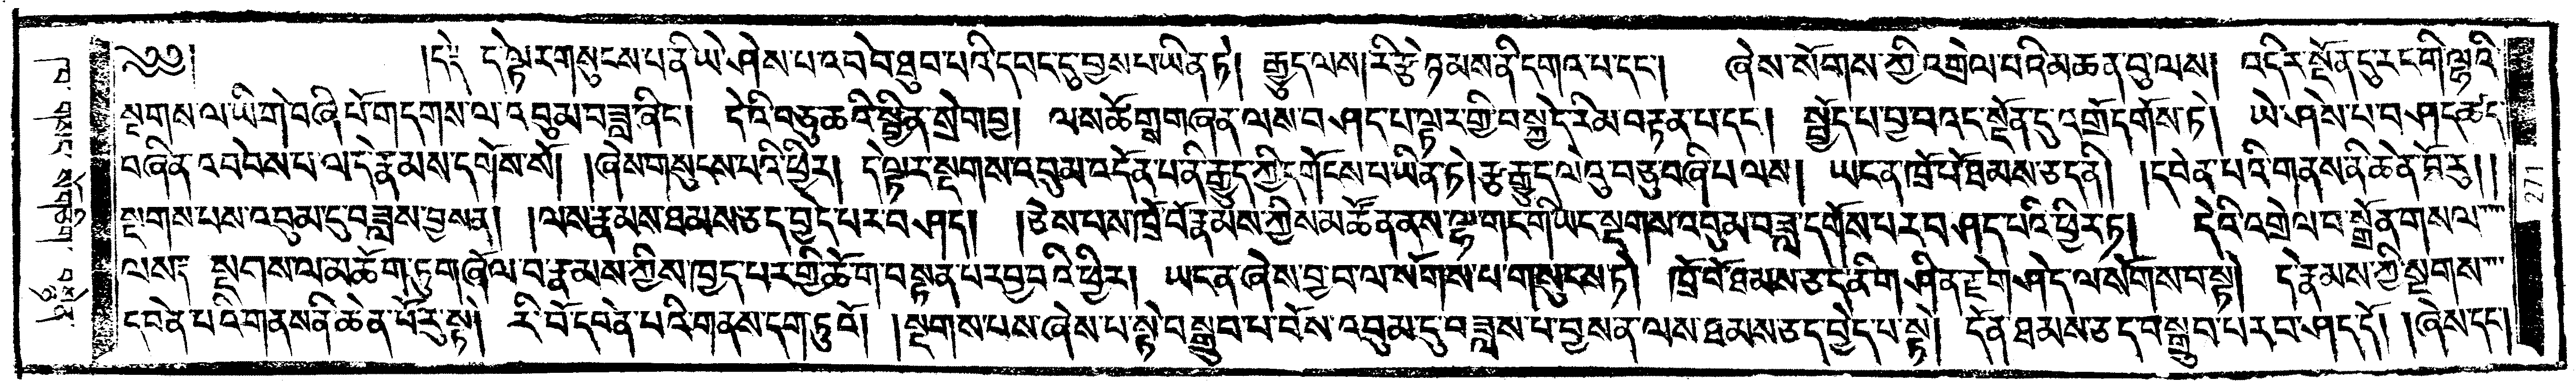༄༅། །དེ༑ དེ་ལྟར་གསུངས་པ་ནི་ཡེ་ཤེས་པ་འབེབ་ཐུབ་པའི་དབང་དུ་བྱས་པ་ཡིན་ཏེ། རྒྱུད་ལས། རི་རྩེ་ཉམས་ནི་དགའ་བ་དང་། ཞེས་སོགས་ཀྱི་འགྲེལ་བའི་མཆན་བུ་ལས། འདིར་སྔོན་དུ་རང་གི་ལྷའི་
སྔགས་ལ་ཡི་གེ་བཞི་པོ་གདགས་ལ་འབུམ་བཟླ་ཞིང་། དེའི་བཅུ་ཆའི་སྦྱིན་སྲེག་བྱ། ལས་ཚོགས་གཞན་ལས་བཤད་པ་ལྟར་གྱི་བསྐྱེད་རིམ་བརྟན་པ་དང་། སྤྱོད་པ་བྱ་བའང་སྔོན་དུ་འགྲོ་དགོས་ཏེ། ཡེ་ཤེས་པ་བཤད་ཚད་
བཞིན་འབེབས་པ་ལ་དེ་རྣམས་དགོས་སོ། །ཞེས་གསུངས་པའི་ཕྱིར། དེ་ལྟར་སྔགས་འབུམ་འདོན་པ་ནི་རྒྱུད་ཀྱི་དགོངས་པ་ཡིན་ཏེ། རྩ་རྒྱུད་ལེའུ་བཅུ་བཞི་པ་ལས། ཡང་ན་ཁྲོ་བོ་ཐམས་ཅད་ནི། །དབེན་པའི་གནས་ནི་ཆེན་པོ་རུ།།
སྔགས་པས་འབུམ་དུ་བཟླས་བྱས་ན། །ལས་རྣམས་ཐམས་ཅད་བྱེད་པར་བཤད། །ཅེས་པས་ཁྲོ་བོ་རྣམས་ཀྱིས་མཚོན་ནས་ལྷ་གང་གི་ཡང་སྔགས་འབུམ་བཟླ་དགོས་པར་བཤད་པའི་ཕྱིར་ཏེ། དེའི་འགྲེལ་བ་སྒྲོན་གསལ་
ལས༑ སྔགས་ལ་མཆོག་ཏུ་གཞོལ་བ་རྣམས་ཀྱིས་ཁྱད་པར་གྱི་ཆོ་ག་བསྟན་པར་བྱ་བའི་ཕྱིར། ཡང་ན་ཞེས་བྱ་བ་ལ་སོགས་པ་གསུངས་ཏེ། ཁྲོ་བོ་ཐམས་ཅད་ནི་གཤིན་རྗེ་གཤེད་ལ་སོགས་པ་སྟེ། དེ་རྣམས་ཀྱི་སྔགས་
དབེན་པའི་གནས་ནི་ཆེན་པོ་རུ་སྟེ། རི་བོ་དབེན་པའི་གནས་དག་ཏུའོ། །སྔགས་པས་ཞེས་པ་སྟེ་བསྒྲུབ་པ་པོས་འབུམ་དུ་བཟླས་པ་བྱས་ན་ལས་ཐམས་ཅད་བྱེད་པ་སྟེ། དོན་ཐམས་ཅད་བསྒྲུབ་པར་བཤད་དོ། །ཞེས་དང་།